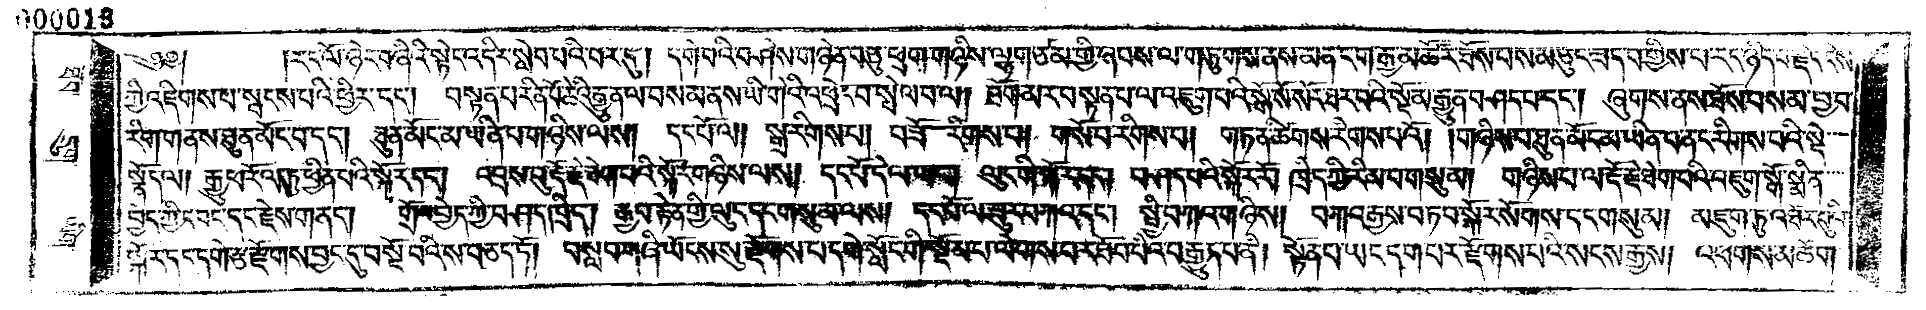༄༅། །རང་ལོ་ཉེར་བཞིའི་སྟེང་འདིར་སླེབ་པའི་བར་དུ། དགེ་བའི་བཤེས་གཉེན་བཅུ་ཕྲག་གཉིས་ལྷག་ཙམ་གྱི་ཞབས་ལ་གཏུགས་ནས་མན་ངག་རྒྱ་མཚོར་ཐོས་བསམ་ཅུང་ཟད་བགྱིས་པ་རང་ཉིད་བརྗེད་ངེས་
ཀྱི་འཇིགས་པ་སྦངས་པའི་ཕྱིར་དང་། བསྟན་པ་རིན་པོ་ཆེའི་རྒྱུན་ལ་བསམ་ནས་ཡི་གེའི་འཕྲེང་བ་སྤེལ་བ་ལ། ཐོག་མར་བསྟན་པ་ལ་འཇུག་པའི་སྒོ་སོ་སོར་ཐར་བའི་སྡོམ་རྒྱུན་བཤད་པ་དང་། ཞུགས་ནས་ཐོས་བསམ་བྱ་བ་
རིག་གནས་ཐུན་མོང་བ་དང་། ཐུན་མོང་མ་ཡིན་པ་གཉིས་ལས། དང་པོ་ལ། སྒྲ་རིགས་པ། བཟོ་རིགས་པ། གསོ་བ་རིགས་པ། གཏན་ཚིགས་རིགས་པའོ། །གཉིས་པ་ཐུན་མོང་མ་ཡིན་པ་ནང་རིགས་པའི་སྡེ་
སྣོད་ལ། རྒྱུ་ཕ་རོལ་ཏུ་ཕྱིན་པའི་སྐོར་དང་། འབྲས་བུ་རྡོ་རྗེ་ཐེག་པའི་སྐོར་གཉིས་ལས། དང་པོ་དེ་ལ་ཡང་། ལུང་གི་སྐོར་དང་། བཤད་པའི་སྐོར་རོ། ཁྲིད་ཀྱི་རིམ་པ་གསུམ། གཉིས་པ་ལ་རྡོ་རྗེ་ཐེག་པའི་འཇུག་སྒོ་སྨིན་
བྱེད་ཀྱི་དབང་དང་རྗེས་གནང་། གྲོལ་བྱེད་ཀྱི་བཤད་ཁྲིད། རྒྱབ་རྟེན་གྱི་ལུང་དང་གསུམ་ལས། དང་པོ་ལ་ཟུར་བཀའ་དང་། སྤྱི་བཀའ་གཉིས། བཀའ་རྒྱས་བཏབ་སྐོར་སོགས་དང་གསུམ། མཇུག་ཏུ་འཐོར་བུའི་
སྐོར་དང་དགེ་རྩ་རྫོགས་བྱང་དུ་བསྔོ་བའི་ས་བཅད་དོ། བསླབ་གཞི་ཡོངས་སུ་རྫོགས་པ་དགེ་སློང་གི་སྡོམ་པ་ལེགས་པར་ཐོབ་པའི་བརྒྱུད་པ་ནི། སྟོན་པ་ཡང་དག་པར་རྫོགས་པའི་སངས་རྒྱས། འཕགས་མཆོག་